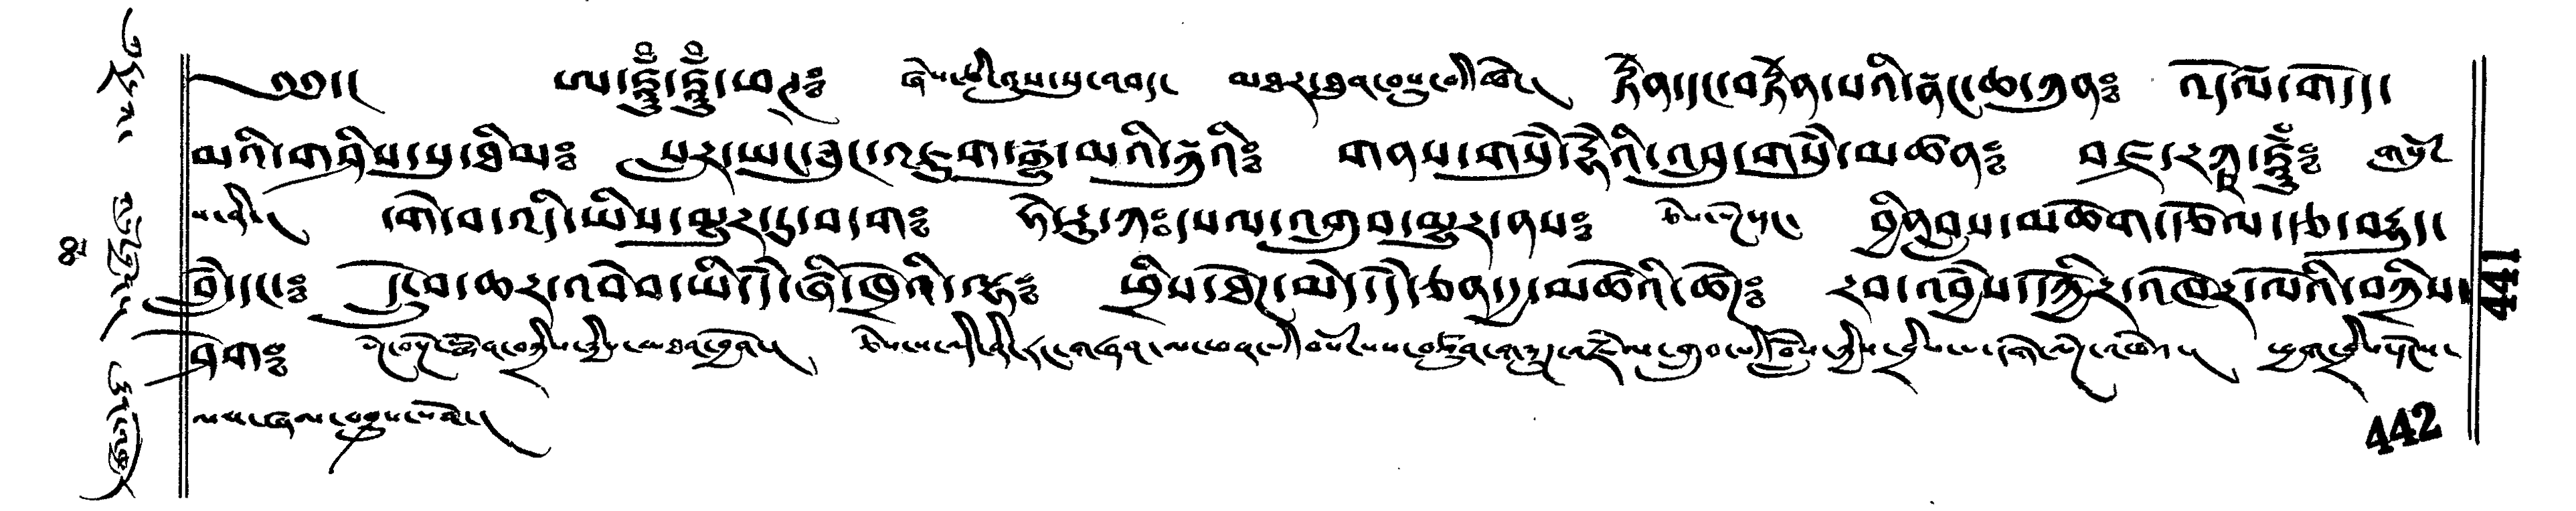ཨ་ཧཱུྃ་ཧཱུྃ་ཕཊ༔ ཞེས་ཅི་ནུས་སུ་འབད། མཐར་ཐུན་བསྡུ་བའི་ཚེ། རྟེན་དང་བརྟེན་པའི་སྣང་ཆ་ཀུན༔ འོད་གསལ་གདོད་
མའི་གཤིས་སུ་ཐིམ༔ སླར་ཡང་ཟུང་འཇུག་སྒྱུ་མའི་སྐུའི༔ གནས་གསུམ་རྡོ་རྗེའི་འབྲུ་གསུམ་མཚན༔ བཛྲ་རཀྵ་ཧཱུྃ༔ གསུམ་
པ་ནི། དགེ་བ་འདི་ཡིས་མྱུར་དུ་བདག༔ ཧེ་རུ་ཀཿདཔལ་འགྲུབ་གྱུར་ནས༔ ཅེས་སོགས་དང་། བྱིན་རླབས་མཆོག་སྩོལ་རྩ་བརྒྱུད་
བླ་མ་དང༔ དངོས་གྲུབ་ཆར་འབེབས་ཡི་དམ་ཞི་ཁྲོའི་ལྷ༔ ཕྲིན་ལས་ཐོགས་མེད་དམ་ཅན་རྒྱ་མཚོའི་ཚོགས༔རབ་འབྱམས་དཀྱིལ་འཁོར་ལོའི་བཀྲ་ཤིས་
ཤོག༔ སོགས་བསྔོ་སྨོན་བཀྲ་ཤིས་ཀྱིས་མཐའ་བརྒྱན་ནོ།། ཅེས་པ་འདི་ནི་རང་གཞན་ལ་ཕན་པའི་བསམ་པས་བཙུན་གཟུགས་འཇམ་དཔལ་གྲུབ་པའི་བློ་གྲོས་ཀྱིས་བྲིས་པ་དགེ་ལེགས་འཕེལ། ཕྱག་བྲིས་དངོས་
ལས་ཞལ་བཤུས་པའོ།། བཀྲ་ཤིས།།